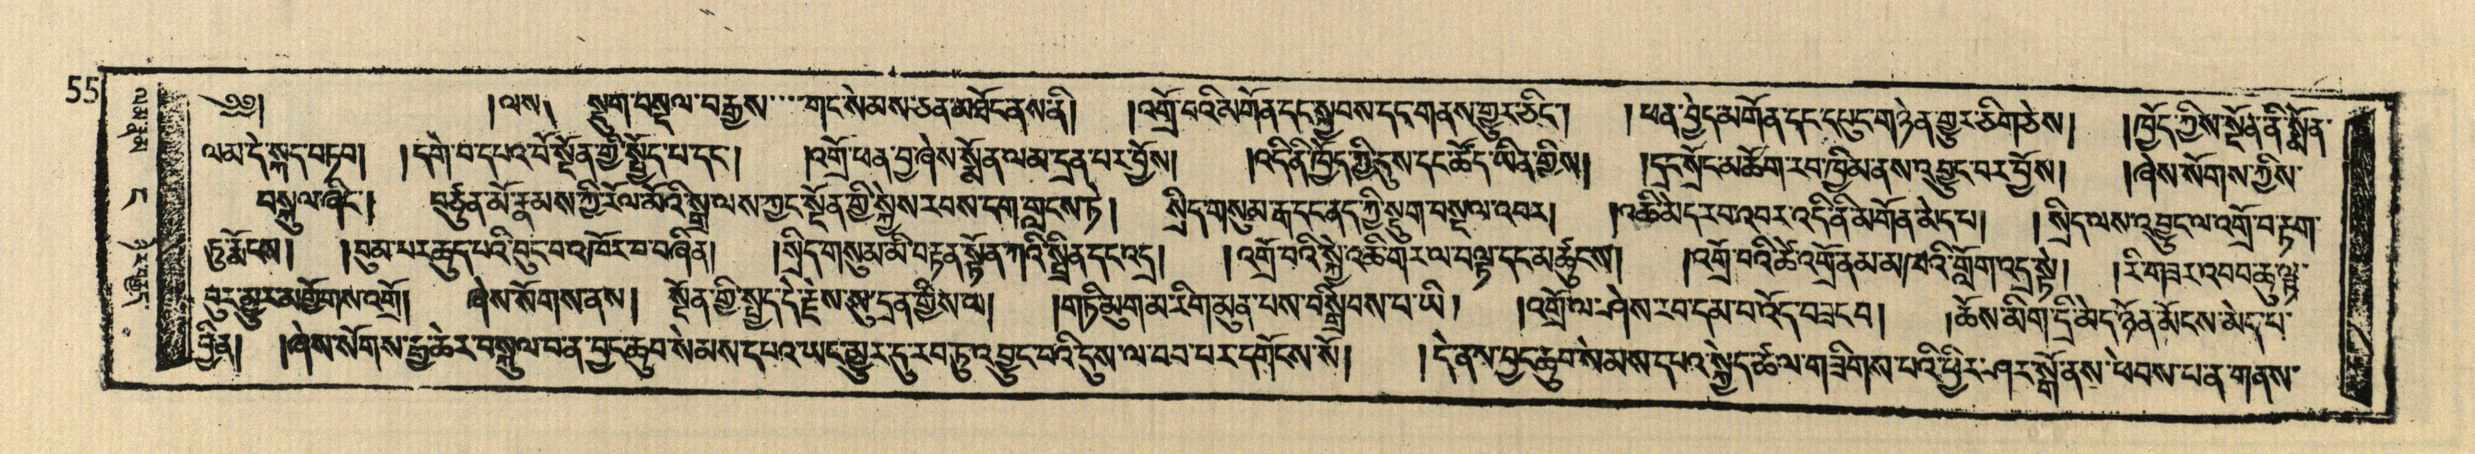༄༅། །ལས༑ སྡུག་བསྔལ་བརྒྱས་གང་སེམས་ཅན་མཐོང་ནས་ནི། །འགྲོ་བའི་མགོན་དང་སྐྱབས་དང་གནས་གྱུར་ཅིང་། །ཕན་བྱེད་མགོན་དང་དཔུང་གཉེན་གྱུར་ཅིག་ཅེས། །ཁྱོད་ཀྱིས་སྔོན་ནི་སྨོན་
ལམ་དེ་སྐད་བཏབ། །དགེ་བ་དཔའ་བོ་སྔོན་གྱི་སྤྱོད་པ་དང་། །འགྲོ་ཕན་བྱ་ཞེས་སྨོན་ལམ་དྲན་པར་བྱོས། །འདི་ནི་ཁྱོད་ཀྱི་དུས་དང་ཚོད་ཡིན་གྱིས། །དྲང་སྲོང་མཚོག་རབ་ཁྱིམ་ནས་འབྱུང་བར་བྱོས། །ཞེས་སོགས་ཀྱིས་
བསྐུལ་ཞིང་། བཙུན་མོ་རྣམས་ཀྱི་རོལ་མོའི་སྒྲ་ལས་ཀྱང་སྔོན་གྱི་སྐྱེས་རབས་དག་གླངས་ཏེ། སྲིད་གསུམ་རྒ་དང་ནད་ཀྱི་སྡུག་བསྔལ་འབར། །འཆི་མེད་རབ་འབར་འདི་ནི་མགོན་མེད་པ། །སྲིད་ལས་འབྱུང་ལ་འགྲོ་བ་རྟག་
ཏུ་རྨོངས། །བུམ་པར་ཆུད་པའི་བུང་བ་འཁོར་བ་བཞིན། །སྲིད་གསུམ་མི་བརྟན་སྟོན་ཀའི་སྤྲིན་དང་འདྲ། །འགྲོ་བའི་སྐྱེ་འཆི་གར་ལ་བལྟ་དང་མཚུངས། །འགྲོ་བའི་ཚེ་འགྲོ་ནམ་མཁའི་གློག་འདྲ་སྟེ། །རི་གཟར་འབབ་ཆུ་ལྟ་
བུར་མྱུར་མགྱོགས་འགྲོ། ཞེས་སོགས་ནས། སྔོན་གྱི་སྤྱད་དེ་རྗེས་སུ་དྲན་གྱིས་ལ། །གཏི་མུག་མ་རིག་མུན་པས་བསྒྲིབས་པ་ཡི། །འགྲོ་ལ་ཤེས་རབ་དམ་བ་འོད་བཟང་བ། །ཆོས་མིག་དྲི་མེད་ཉོན་མོངས་མེད་པ་
བྱིན། །ཞེས་སོགས་རྒྱ་ཆེར་བསྐུལ་བ་ན་བྱང་ཆུབ་སེམས་དཔའ་ཡང་མྱུར་དུ་རབ་ཏུ་འབྱུང་བའི་དུས་ལ་བབ་པར་དགོངས་སོ། །དེ་ནས་བྱང་ཆུབ་སེམས་དཔའ་སྐྱེད་ཚལ་གཟིགས་པའི་ཕྱིར་ཤར་སྒོ་ནས་ཕེབས་པ་ན་གནས་